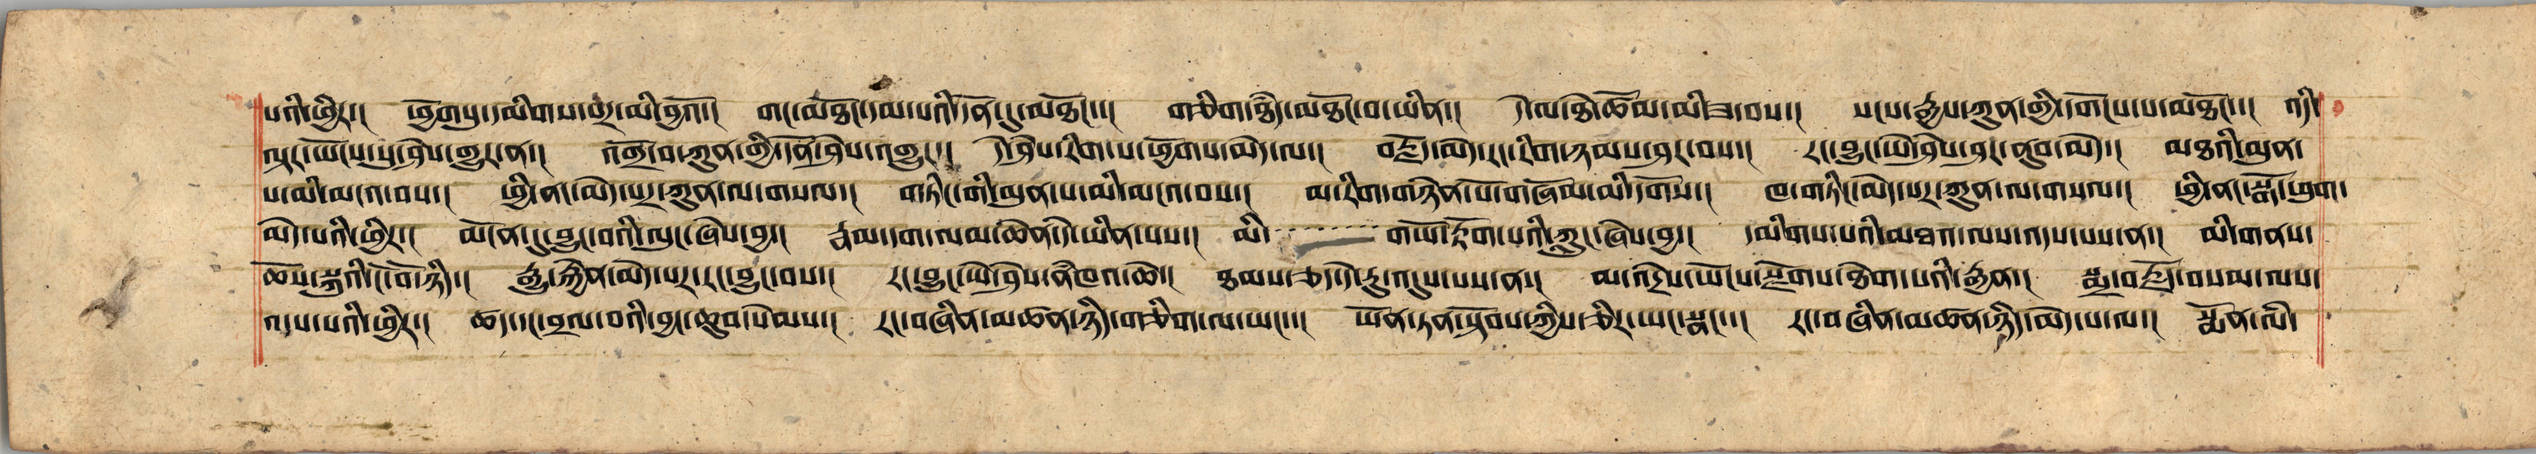པའི་ཕྱིར་། ཕྱོགསུ་དམིགས་པར་མི་བྱའོ་། གང་མཐོང་དམ་པའི་དོན་དུ་མཐོང་་། གཅིག་ཐཾད་མཐོང་བ་ཡིན་། དེ་ལ་ཐེ་ཚོམས་མི་ཟ་བས་། སངས་རྒྱས་ཀུན་གྱི་དགོངས་པ་མཐོང་་། འདི་
ལྟར་ཡོངས་སུ་ཤེས་གྱུར་ན་། འགྲོ་བ་ཀུན་གྱི་དོན་ཤེས་འགྱུར་། དེ་ཤེས་རིག་པ་ཕྱོགས་མེད་ལ་། བརྗོད་མེད་རང་རིག་ཉམས་ཤར་བས་། རང་བྱུང་ཡེ་ཤེས་ཤར་ནུབ་མེད་། མཐའི་མུན་
པ་མི་མངའ་བས་། ཕྱི་ནང་མེད་པར་ཀུན་ལ་གསལ་། གཏིང་གི་མུན་པ་མི་མངའ་བས་། མ་རིག་གཉེན་པོ་གཞོམ་མི་དགོས་། ཁ་གཏིང་མེད་པར་ཀུན་ལ་གསལ་། ཕྱི་ནང་སྒོ་ཕུག་
མེད་པའི་ཕྱིར་། མངོན་དུ་བྱུང་བའི་ལུང་ཞེས་བྱ་། རྣམ་དག་ལམ་ཆེན་དེ་ཡིན་པས་། མི་་་་་་་་གཡོ་རྟོག་པའི་ཀླུང་ཞེས་བྱ་། དམིགས་པའི་མཐའ་ལས་འདས་པས་ན་། མི་གནས་
ཆོས་སྐུའི་ངོ་བོ་ཉིད་། རྒྱུ་རྐྱེན་མེད་པར་རང་བྱུང་བས་། རང་བྱུང་ཡེ་ཤེས་ནཾཁའ་ཆེ་། ཐམས་ཅད་དེ་རུ་འདུས་པས་ན་། མ་འདྲེས་ཡོངས་སྫོགས་ཐེག་པའི་རྒྱན་། སྨྲ་བརྗོད་བསམ་ལས་
འདས་པའི་ཕྱིར་། ཚད་དང་བྲལ་བའི་བྱང་ཆུབ་སེམས་། རང་བཞིན་མཚན་ཉིད་གཅིག་ལ་ཡང་་། ཡོན་ཏན་སྟོབས་ཀྱིས་ཅིར་ཡང་སྣང་་། རང་བཞིན་མཚན་ཉིད་མེད་པ་ལ་། སྨོན་ལཾ་